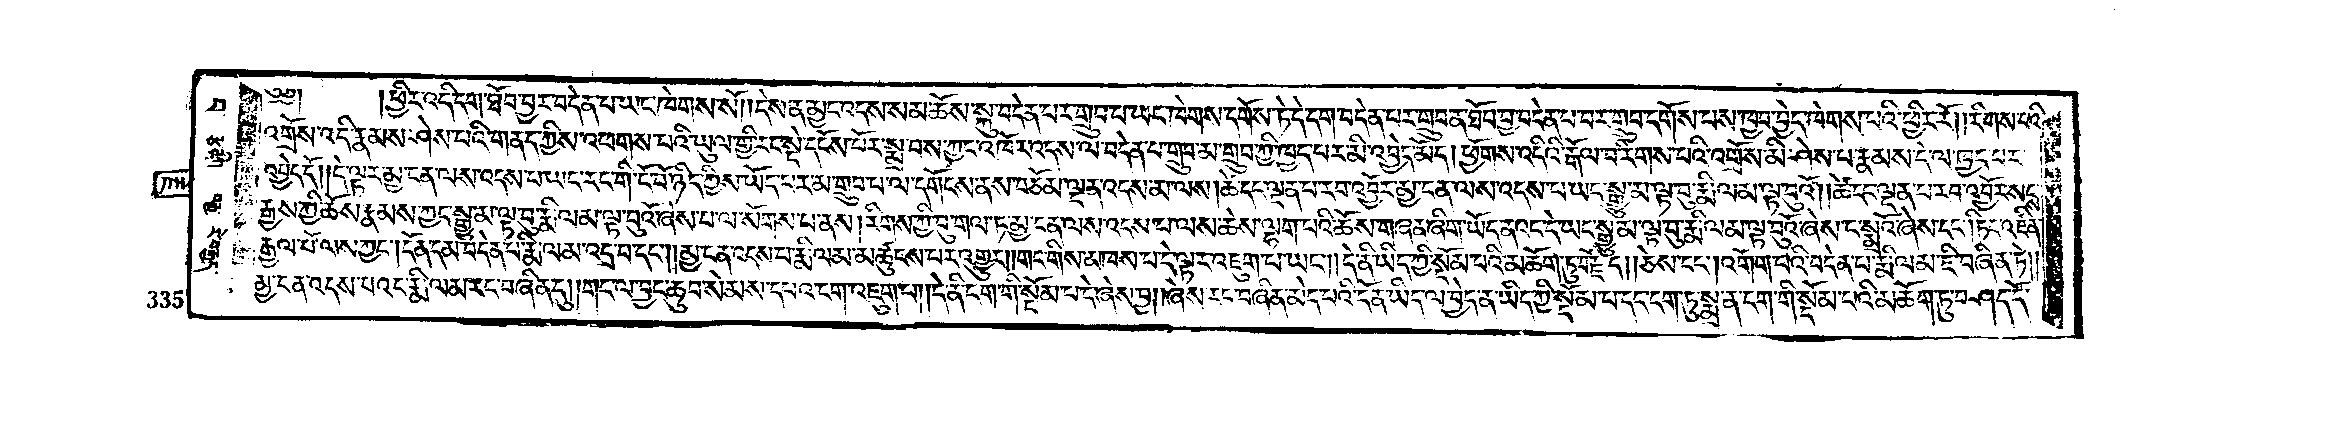༄༅། །ཕྱིར་འདི་དག་ཐོབ་བྱར་བདེན་པ་ཡང་ཁེགས་སོ། །དེས་ན་མྱང་འདས་སམ་ཆོས་སྐུ་བདེན་པར་གྲུབ་པ་ཡང་ཁེགས་དགོས་ཏེ་དེ་དག་བདེན་པར་གྲུབ་ན་ཐོབ་བྱ་བདེན་པ་བར་གྲུབ་དགོས་པས་ཁྱབ་བྱེད་ཁེགས་པའི་ཕྱིར་རོ། །རིགས་པའི་
འགྲོས་འདི་རྣམས་ཤེས་པའི་གནད་ཀྱིས་འཕགས་པའི་ཡུལ་གྱི་རང་སྡེ་དངོས་པོར་སྨྲ་བས་ཀྱང་འཁོར་འདས་ལ་བདེན་པ་གྲུབ་མ་གྲུབ་ཀྱི་ཁྱད་པར་མི་འབྱེད་མོད། ཕྱོགས་འདིའི་རྒོལ་བ་རིགས་པའི་འགྲོས་མི་ཤེས་པ་རྣམས་དེ་ལ་ཁྱད་པར་
འབྱེད་དོ། །དེ་ལྟར་མྱ་ངན་ལས་འདས་པ་ཡང་རང་གི་ངོ་བོ་ཉིད་ཀྱིས་ཡོད་པར་མ་གྲུབ་པ་ལ་དགོངས་ནས་བཅོམ་ལྡན་འདས་མ་ལས། ཚེ་དང་ལྡན་པ་རབ་འབྱོར་མྱ་ངན་ལས་འདས་པ་ཡང་སྒྱུ་མ་ལྟ་བུ་རྨི་ལམ་ལྟ་བུའོ། །ཚེ་དང་ལྡན་པ་རབ་འབྱོར་སངས་
རྒྱས་ཀྱི་ཆོས་རྣམས་ཀྱང་སྒྱུ་མ་ལྟ་བུ་རྨི་ལམ་ལྟ་བུའོ་ཞེས་པ་ལ་སོགས་པ་ནས། རིགས་ཀྱི་བུ་གལ་ཏ་མྱ་ངན་ལས་འདས་པ་ལས་ཆེས་ལྷག་པའི་ཆོས་གཞན་ཞིག་ཡོད་ནའང་དེ་ཡང་སྒྱུ་མ་ལྟ་བུར་མི་ལམ་ལྟ་བུའི་ཞེས་པ་སྨྲའོ་ཞེས་དང་། ཏིང་འཛིན་
རྒྱལ་པོ་ལས་ཀྱང་། དོན་དམ་བདེན་པ་རྨི་ལམ་འདྲ་བ་དང་། །མྱ་ངན་འདས་པ་རྨི་ལམ་མཚུངས་པར་འགྱུར། །གང་གིས་མཁས་པ་དེ་ལྟར་འཇུག་པ་ཡང་། །དེ་ནི་ཡིད་ཀྱི་སྡོམ་པའི་མཆོག་ཏུ་བརྗོད། །ཅེས་དང་། འགོག་པའི་བདེན་པ་རྨི་ལམ་ཇི་བཞིན་ཏ།།
མྱ་ངན་འདས་པའང་རྨི་ལམ་རང་བཞིན་དུ། །གང་ལ་བྱང་ཆུབ་སེམས་དཔའ་ངག་འཇུག་པ། །དེ་ནི་ངག་གི་སྡོམ་པ་དེ་ཞེས་བྱ། །ཞེས་རང་བཞིན་མེད་པའི་དོན་ཡིད་ལ་བྱེད་ན་ཡིད་ཀྱི་སྡོམ་པ་དང་ངག་ཏུ་སྨྲ་ན་ངག་གི་སྡོམ་པའི་མཆོག་ཏུ་བཤད་དེ་